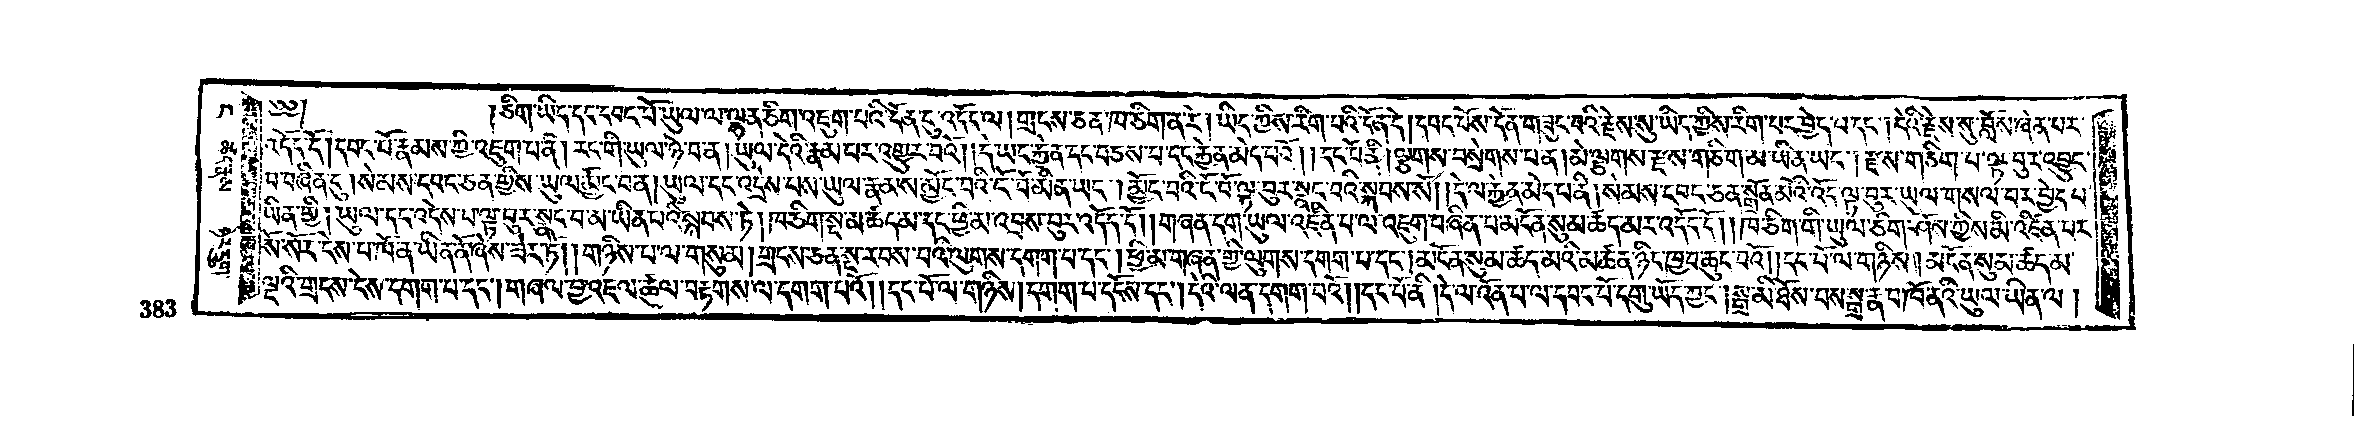༄༅། །ཅིག་ཡིད་དང་དབང་པོ་ཡུལ་ལ་ལྷན་ཅིག་འཇུག་པའི་དོན་དུ་འདོད་ལ། གྲངས་ཅན་ཁ་ཅིག་ན་རེ། ཡིད་ཀྱིས་རིག་པའི་དོན་དེ། དབང་པོས་དོན་གཟུང་བའི་རྗེས་སུ་ཡིད་ཀྱིས་རིག་པར་བྱེད་པ་དང་། དེའི་རྗེས་སུ་བློས་ཞེན་པར་
འདོད་དོ། དབང་པོ་རྣམས་ཀྱི་ཀྱི་འཇུག་པ་ནི། རང་གི་ཡུལ་ཉེ་བ་ན། ཡུལ་དེའི་རྣམ་པར་འགྱུར་པའོ། །དེ་ཡང་རྐྱེན་དང་བཅས་པ་དང་རྐྱེན་མེད་པའ། །དང་པོ་ནི། ལྕགས་བསྲེགས་པ་ན། མེ་ལྕགས་རྫས་གཅིག་མ་ཡིན་ཡང་། རྫས་གཅིག་པ་ལྟ་བུར་འབྱུང་
བ་བཞིན་དུ། སེམས་དབང་ཅན་གྱིས་ཡུལ་མྱོང་བ་ན། ཡུལ་དང་འདྲེས་པས་ཡུལ་རྣམས་མྱོང་བའི་ངོ་བོ་མིན་ཡང་། མྱོང་བའི་ངོ་བོ་ལྟ་བུར་སྣང་བའི་སྐབས་སོ། །དེ་ལ་རྐྱེན་མེད་པ་ནི། སེམས་དབང་ཅན་སྒྲོན་མོའི་འོད་ལྟ་བུར་ཡུལ་གསལ་བར་བྱེད་པ་
ཡིན་གྱི། ཡུལ་དང་འདྲེས་པ་ལྟ་བུར་སྣང་བ་མ་ཡིན་པའི་སྐབས་ཏེ། ཀ་ཅིག་སྔ་མ་ཚད་མ་དང་ཕྱི་མ་འབྲས་བུར་འདོད་དོ། །གཞན་དག་ཡུལ་འཛིན་པ་ལ་འཇུག་བཞིན་པ་མངོན་སུམ་ཚད་མར་འདོད་དོ། །ཁ་ཅིག་གི་ཡུལ་ཅིག་ཤོས་ཀྱིས་མི་འཛིན་པར་
སོ་སོར་ངེས་པ་ཁོ་ན་ཡིན་ནོ་ཞེས་ཟེར་ཏོ། །གཉིས་པ་ལ་གསུམ། གྲངས་ཅན་སྔ་རབས་པའི་ལུགས་དགག་པ་དང་། ཕྱི་མ་གཞན་གྱི་ལུགས་དགག་པ་དང་། མངོན་སུམ་ཚད་མའི་མཚན་ཉིད་ཁྱབ་ཆུང་བའོ། །དང་པོ་ལ་གཉིས། མངོན་སུམ་ཚད་མ་
ལྔའི་གྲངས་ངེས་དགག་པ་དང་། གཞལ་བྱ་འཇལ་ཚུལ་བརྟགས་ལ་དགག་པའོ། །དང་པོ་ལ་གཉིས། དགག་པ་དངོས་དང་། དེའི་ལན་དགག་པའོ། །དང་པོ་ནི། དེ་ལ་འོན་པ་ལ་དབང་པོ་དགུ་ཡོད་ཀྱང་། སྒྲ་མི་ཐོས་པས་སྒྲ་རྣ་བ་ཁོ་ནའི་ཡུལ་ཡིན་ལ།